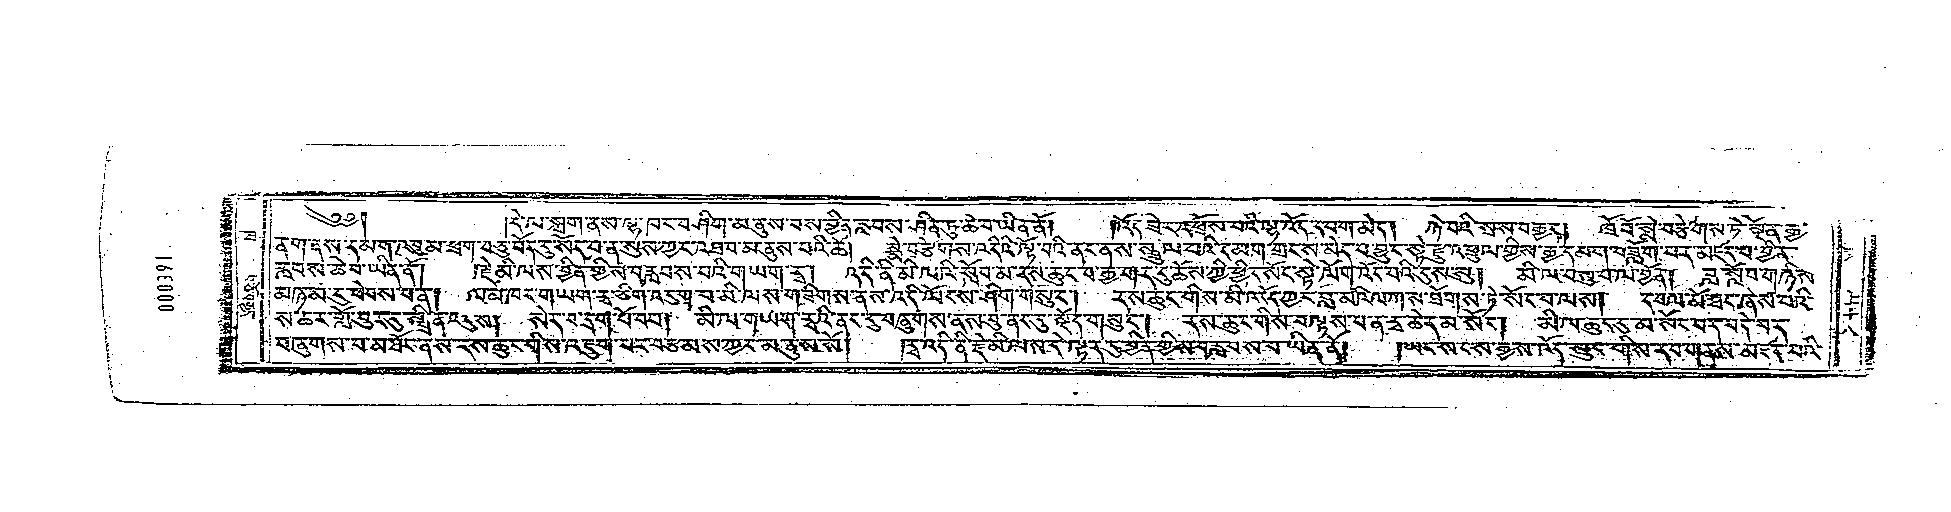༄༅། །དེ་ལ་སྐྲག་ནས་ལྷ་ཁང་བཤིག་མ་ནུས་བས་བྱིན་རླབས་ཤིན་ཏུ་ཆེ་བ་ཡིན་ནོ། །འོད་ཟེར་འཕྲོས་པའི་ལྷ་འོད་དཔག་མེད། ཉེ་བའི་སྲས་བརྒྱད། ཁྲོ་བོ་སྨེ་བརྩེགས་ཏེ་སྔོན་རྒྱ་
ནག་ནས་དམག་འབུམ་ཕྲག་བཅུ་བོད་དུ་སོང་བ་ན་སུས་ཀྱང་འཐབ་མ་ནུས་པའི་ཚེ། སྨེ་བརྩེགས་འདིའི་ལྟོ་བའི་ནང་ནས་སྤྲུལ་པའི་དམག་གྲངས་མེད་པ་བྱུང་སྟེ་རྫུ་འཕྲུལ་གྱིས་རྒྱ་དམག་བཟློག་པར་མཛད་པ་བྱིན་
རླབས་ཆེ་བ་ཡིན་ནོ། །རྗེ་མི་ལས་བྱིན་གྱིས་བརླབས་པའི་གཡག་རྭ། འདི་ནི་མི་ལའི་སློབ་མ་རས་ཆུང་བ་རྒྱ་གར་དུ་ཆོས་ཀྱི་ཕྱིར་སོང་སྟེ་ལོག་འོད་བའི་དུས་སུ། མི་ལ་བསུ་བ་ལ་བྱོན། བླ་སློབ་གཉིས་
མཉམ་དུ་ཕེབས་པ་ན། ལམ་ཁར་གཡག་རྭ་ཅིག་འདུག་པ་མི་ལས་གཟིགས་ནས་འདི་ལོངས་ཤིག་གསུང་། རས་ཆུང་གིས་མི་འདོད་ཀྱང་བླ་མའི་ལགས་ཐོགས་ཏེ་སོང་བ་ལས། དཔལ་མོ་ཐང་ཞེས་པའི་
ས་ཆར་གློ་བུར་དུ་སྤྲིན་འདུས། སེར་བ་དྲག་པོ་བབ། མི་ལ་གཡག་རྭའི་ནང་དུ་བཞུགས་ནས་བུ་ནང་དུ་སྡོད་གསུང་། རས་ཆུང་གིས་བལྟས་པ་ན་རྭ་ཆེར་མ་སོང་། མི་ལ་ཆུང་དུ་མ་སོང་བར་བདེ་བར་
བཞུགས་པ་མཐོང་ནས་རས་ཆུང་གིས་འཇུག་པར་བརྩམས་ཀྱང་མ་ནུས་སོ། །རྭ་འདི་ནི་རྗེ་མི་ལས་དེ་ལྟར་དུ་བྱིན་གྱིས་བརླབས་པ་ཡིན་ནོ། །ཡང་སངས་རྒྱས་འོད་སྲུང་གིས་རབ་གནས་མཛད་པའི་